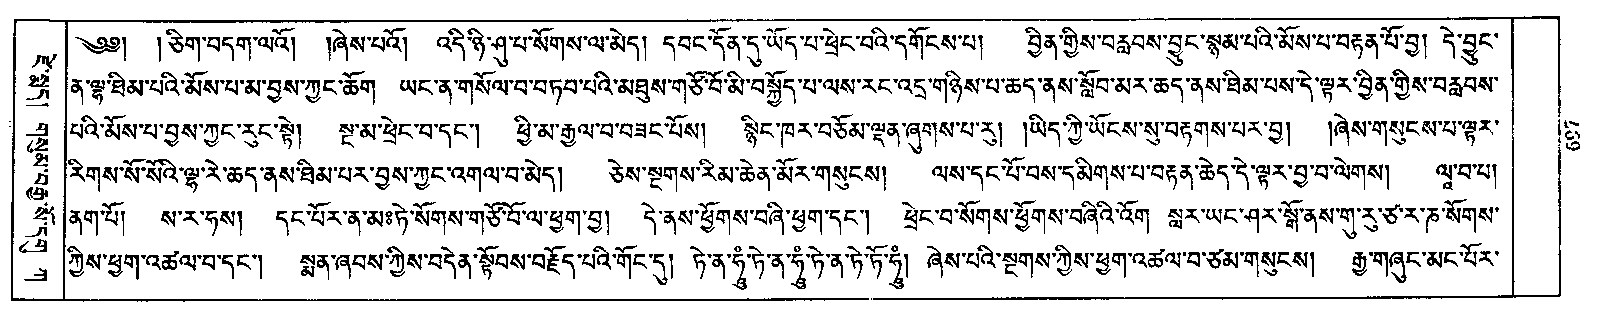༄༅། །ཅིག་བདག་ལའོ། །ཞེས་པའོ། འདི་ཉི་ཤུ་པ་སོགས་ལ་མེད། དབང་དོན་དུ་ཡོད་པ་ཕྲེང་བའི་དགོངས་པ། བྱིན་གྱིས་བརླབས་བྱུང་སྙམ་པའི་མོས་པ་བརྟན་པོ་བྱ། དེ་བྱུང་
ན་ལྷ་ཐིམ་པའི་མོས་པ་མ་བྱས་ཀྱང་ཆོག་ཡང་ན་གསོལ་བ་བཏབ་པའི་མཐུས་གཙོ་བོ་མི་བསྐྱོད་པ་ལས་རང་འདྲ་གཉིས་པ་ཆད་ནས་སློབ་མར་ཆད་ནས་ཐིམ་པས་དེ་ལྟར་བྱིན་གྱིས་བརླབས་
པའི་མོས་པ་བྱས་ཀྱང་རུང་སྟེ། སྔ་མ་ཕྲེང་བ་དང་། ཕྱི་མ་རྒྱལ་བ་བཟང་པོས། སྙིང་ཁར་བཅོམ་ལྡན་ཞུགས་པ་རུ། །ཡིད་ཀྱི་ཡོངས་སུ་བརྟགས་པར་བྱ། །ཞེས་གསུངས་པ་ལྟར་
རིགས་སོ་སོའི་ལྷ་རེ་ཆད་ནས་ཐིམ་པར་བྱས་ཀྱང་འགལ་བ་མེད། ཅེས་སྔགས་རིམ་ཆེན་མོར་གསུངས། ལས་དང་པོ་བས་དམིགས་པ་བརྟན་ཆེད་དེ་ལྟར་བྱ་བ་ལེགས། ལཱ་བ་པ།
ནག་པོ། ས་ར་ཧས། དང་པོར་ན་མཿ ཏེ་སོགས་གཙོ་བོ་ལ་ཕྱག་བྱ། དེ་ནས་ཕྱོགས་བཞི་ཕྱག་དང་། ཕྲེང་བ་སོགས་ཕྱོགས་བཞིའི་འོག་སླར་ཡང་ཤར་སྒོ་ནས་གུ་རུ་ཙ་ར་ཎ་སོགས་
ཀྱིས་ཕྱག་འཚལ་བ་དང་། སྨན་ཞབས་ཀྱིས་བདེན་སྟོབས་བརྗོད་པའི་གོང་དུ། ཏེ་ན་ཧཱུཾ་ཏེ་ན་ཧཱུཾ་ཏེ་ན་ཏེ་ཏོ་ཧཱུཾ། ཞེས་པའི་སྔགས་ཀྱིས་ཕྱག་འཚལ་བ་ཙམ་གསུངས། རྒྱ་གཞུང་མང་པོར་